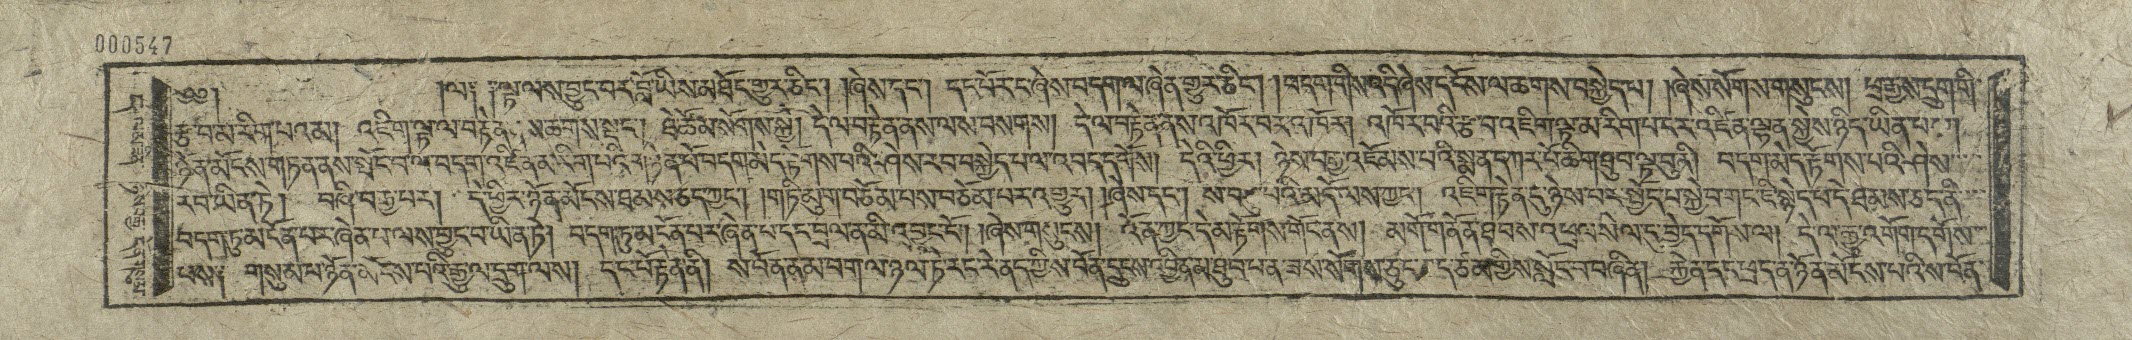༄༅། །ལ༑ ༑ལྟ་ལས་བྱུང་བར་བློ་ཡིས་མཐོང་གྱུར་ཅིང་། །ཞེས་དང་། དང་པོར་ང་ཞེས་བདག་ལ་ཞེན་གྱུར་ཅིང་། །བདག་གིས་འདི་ཞེས་དངོས་ལ་ཆགས་བསྐྱེད་པ། །ཞེས་སོགས་གསུངས། ཕྲ་རྒྱས་དྲུག་གི་
རྩ་བ་མ་རིག་པའམ། འཇིག་ལྟ་ལ་བརྟེན་ནས་ཆགས་སྡང་། ཐེ་ཚོམ་སོགས་སྐྱེ། དེ་ལ་བརྟེན་ནས་ལས་བསགས། དེ་ལ་བརྟེན་ནས་འཁོར་བར་འཁོར། འཁོར་བའི་རྩ་བ་འཇིག་ལྟ་མ་རིག་པ་ངར་འཛིན་ལྷན་སྐྱེས་ཉིད་ཡིན་པས།
ཉོན་མོངས་གཏན་ནས་སྤོང་བ་ལ་བདག་འཛིན་མ་རིག་པའི་གཉེན་པོ་བདག་མེད་རྟོགས་པའི་ཤེས་རབ་བསྐྱེད་པ་ལ་འབད་དགོས། དེའི་ཕྱིར། ཉེས་བརྒྱ་འཇོམས་པའི་སྨན་དཀར་པོ་ཆིག་ཐུབ་ལྟ་བུ་ནི། བདག་མེད་རྟོགས་པའི་ཤེས་
རབ་ཡིན་ཏེ། བཞི་བརྒྱ་པར། དེ་ཕྱིར་ཉོན་མོངས་ཐམས་ཅད་ཀྱང་། །གཏི་མུག་བཅོམ་པས་བཅོམ་པར་འགྱུར། །ཞེས་དང་། ས་བཅུ་པའི་མདོ་ལས་ཀྱང་། འཇིག་རྟེན་དུ་ཉེས་པར་སྤྱོད་པ་སྐྱེ་བ་གང་ཇི་སྙེད་པ་དེ་ཐམས་ཅད་ནི་
བདག་ཏུ་མངོན་པར་ཞེན་པ་ལས་བྱུང་བ་ཡིན་ཏེ། བདག་ཏུ་མངོན་པར་ཞེན་པ་དང་བྲལ་ན་མི་འབྱུང་ངོ། །ཞེས་གསུངས། འོན་ཀྱང་དེ་མ་རྟོགས་གོང་ནས། མགོ་གནོན་ཐབས་འཕྲལ་སེལ་དུ་བྱེད་དགོས་ལ། དེ་ལ་རྒྱུ་འགོག་དགོས་
པས༑ གསུམ་པ་ཉོན་མོངས་པའི་རྒྱུ་ལ་དྲུག་ལས། དང་པོ་རྟེན་ནི། ས་བོན་ནམ་བག་ལ་ཉལ་ཏེ་རང་རེ་ནད་ཀྱི་ས་བོན་དྲུངས་འབྱིན་མ་ཐུབ་པ་ན་ཟས་སོགས་ཅུང་ཟད་ཙམ་གྱིས་སློང་བ་བཞིན། རྐྱེན་དང་ཕྲད་ན་ཉོན་མོངས་པའི་ས་བོན་